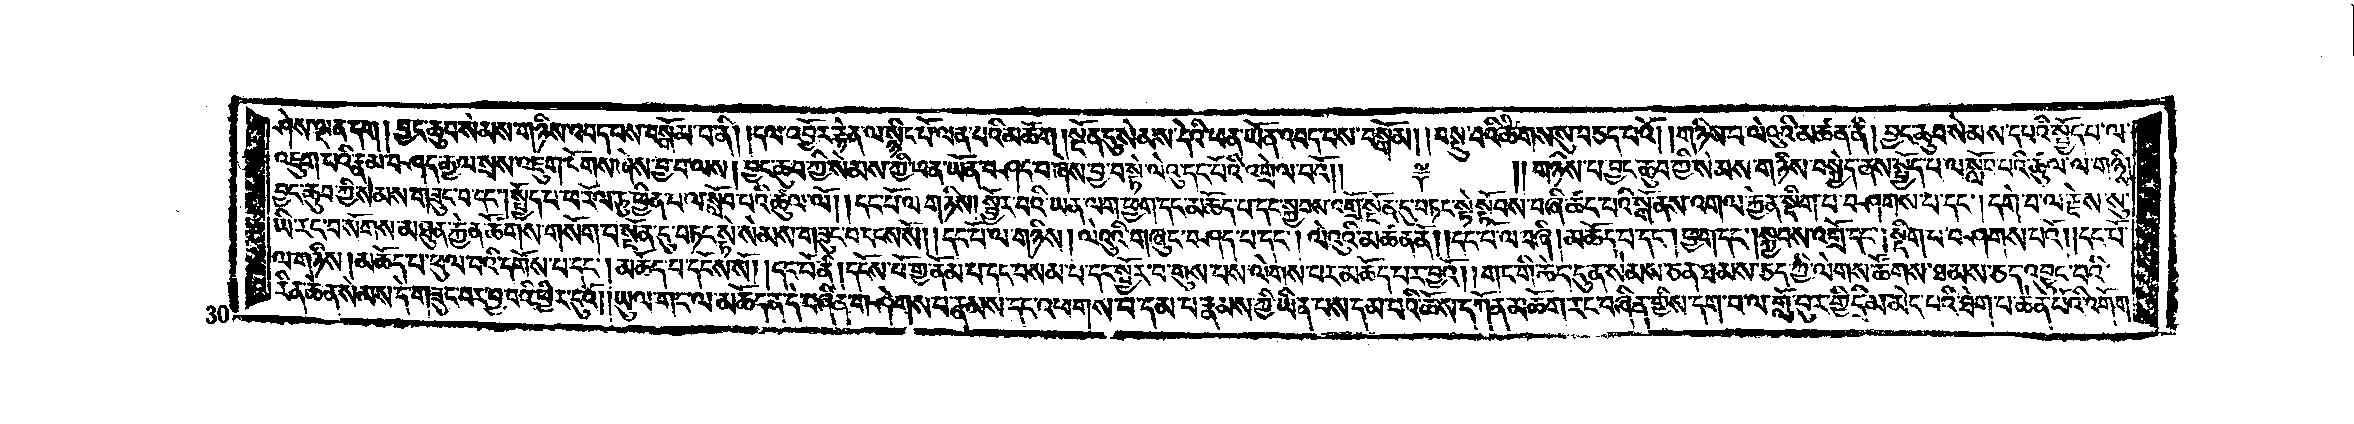ཤེས་ལྡན་དག །བྱང་ཆུབ་སེམས་གཉིས་འབད་པས་བསྒོམ་པ་ནི། །དལ་འབྱོར་རྟེན་ལ་སྙིང་པོ་ལན་པའི་མཆོག །སྔོན་དུ་སེམས་དེའི་ཕན་ཡོན་འབད་པས་བསྒོམ། །བསྡུ་བའི་ཚིགས་སུ་བཅད་པའོ། །གཉིས་པ་ལེའུའི་མཚན་ནི། བྱང་ཆུབ་སེམས་དཔའི་སྤྱོད་པ་ལ་
འཇུག་པའི་རྣམ་བཤད་རྒྱལ་སྲས་འཇུག་དོགས་ཞེས་བྱ་བ་ལས། བྱང་ཆུབ་སེམས་ཀྱི་ཕན་ཡོན་བཤད་པ་ཞེས་བྱ་བ་སྟེ་ལེའུ་དང་པོའི་འགྲེལ་པའོ།། ༈ །།གཉིས་པ་བྱང་ཆུབ་ཀྱི་སེམས་གཉིས་བསྐྱེད་ནས་སྤྱོད་པ་ལ་སློབ་པའི་ཚུལ་ལ་གཉིས།
བྱང་ཆུབ་ཀྱི་སེམས་གཟུང་བ་དང་། སྤྱོད་པ་ཕ་རོལ་ཏུ་ཕྱིན་པ་ལ་སློབ་པའི་ཚུལ་ལོ། །དང་པོ་ལ་གཉིས། སྦྱོར་བའི་ཡན་ལག་ཕྱག་དང་མཆོད་པ་དང་སྐྱབས་འགྲོ་སྔོན་དུ་བཏང་སྟེ་སྟོབས་བཞི་ཚང་བའི་སྒོ་ནས་འགལ་རྐྱེན་སྡིག་པ་བཤགས་པ་དང་། དགེ་བ་ལ་རྗེས་སུ་
ཡི་རང་བ་སོགས་མཐུན་རྐྱེན་ཚོགས་གསོག་པ་སྔོན་དུ་བཏང་སྟེ་སེམས་གཟུང་བ་དངས་སོ། །དང་པོ་ལ་གཉིས། ལེའུའི་གཞུང་བཤད་པ་དང་། ལེའུའི་མཚན་ནོ། །དང་པོ་ལ་བཞི། མཆོད་པ་དང་། ཕྱག་དང་། སྐྱབས་འགྲོ་དང་། སྡིག་པ་བཤགས་པའོ། །དང་པོ་
ལ་གཉིས། མཆོད་པ་ཕུལ་པའི་དགོས་པ་དང་། མཆོད་པ་དངོས་སོ། །དང་པོ་ནི། དངོས་པོ་གྱི་ནོམ་པ་དང་བསམ་པ་དང་སྦྱོར་བ་གུས་པས་ལེགས་པར་མཆོད་པར་བྱའོ། །གང་གི་ཆེད་དུ་ན་སེམས་ཅན་ཐམས་ཅད་ཀྱི་ལེགས་ཚོགས་ཐམས་ཅད་འབྱུང་བའི་
རིན་ཆེན་སེམས་དེ་གཟུང་བར་བྱ་བའི་ཕྱིར་དུའོ། །ཡུལ་གང་ལ་མཆོད་ན་དེ་བཞིན་གཤེགས་པ་རྣམས་དང་འཕགས་པ་དམ་པ་རྣམས་ཀྱི་ཡིན་པས་དམ་པའི་ཆོས་དཀོན་མཆོག་རང་བཞིན་གྱིས་དག་པ་ལ་གློ་བུར་གྱི་དྲི་མ་མེད་པའི་ཐེག་པ་ཆེན་པོའི་འགོག་